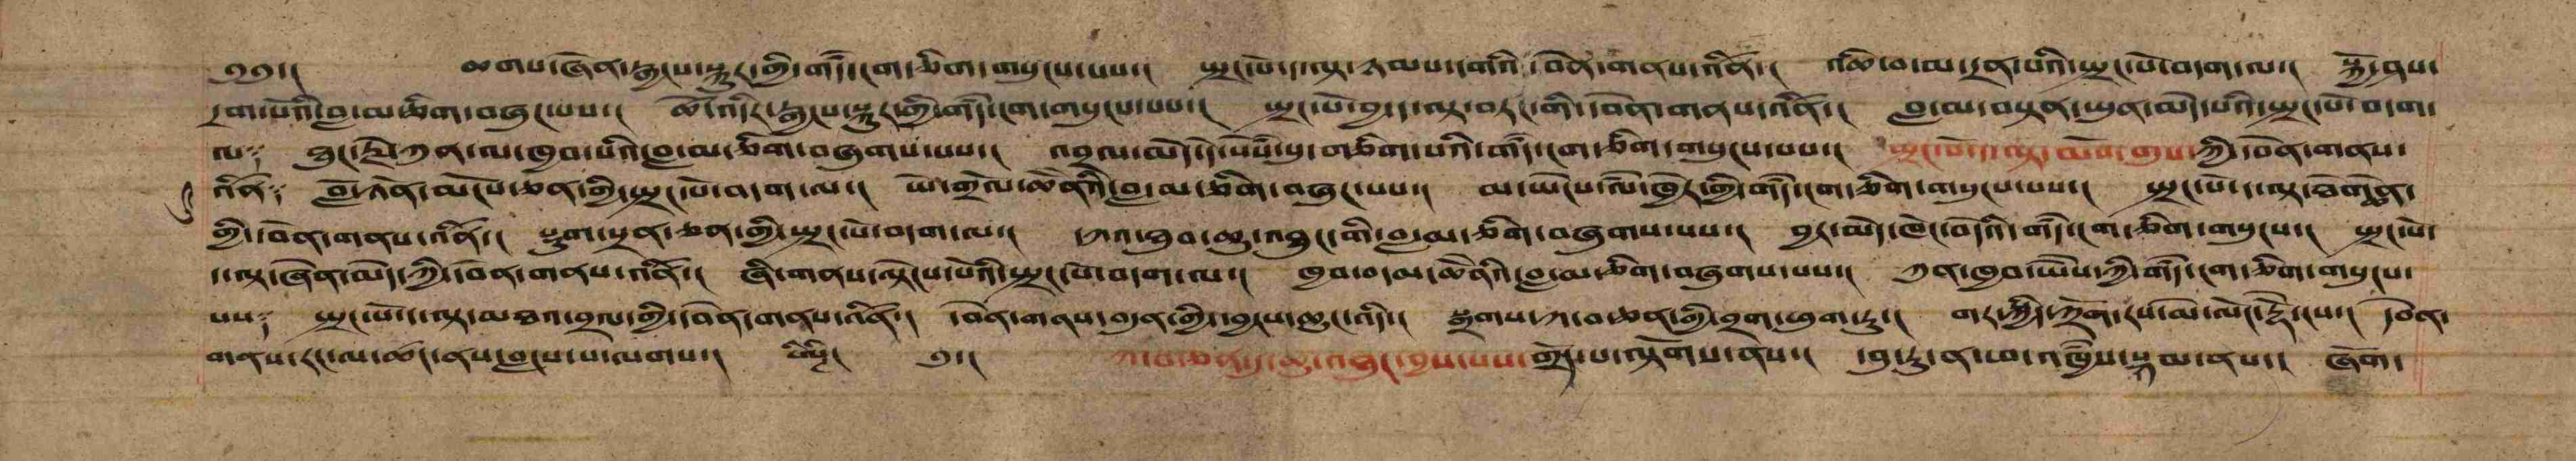༄༅།། ཆགས་ཞེན་རྒྱང་བསྐྱུར་གྱི་གདམས་ངག་ཅིག་གསུངས་པས།། སྤྲང་པོ་ད་ལྟ་ཉམས་དགའི་དབེན་གནས་འཛིན།། འཆི་བ་མ་དྲན་པའི་སྤྲང་པོ་བདག་ལ།། སྐྱོ་ཤས་
དྲག་པོའི་བླ་མ་ཅིག་བཞུགས་པས།། ཚེ་འདིར་རྒྱངས་སྐྱུར་གྱི་གདམ་ངག་གསུངས་པས།། སྤྲང་པོ་ད་ལྟ་བྱ་བཏང་གི་དབེན་གནས་འཛིན།། བླ་མ་བསྟེན་ཡུན་མེད་པའི་སྤྲང་པོ་བདག་
ལ།། ཐུགས་རྗེ་ཀུན་ལ་ཁྱབ་པའི་བླ་མ་ཅིག་བཞུགས་པས།། འབྲལ་མེད་དེ་སེམས་སུ་གཅིག་པའི་གདམ་ངག་ཅིག་གསུངས་པས།། སྤྲང་པོ་ད་ལྟ་མོས་གུས་ཀྱི་དབེན་གནས་
འཛིན།། བློ་ཉོན་མོངས་ཅན་གྱི་སྤྲང་པོ་བདག་ལ།། ཡེ་གྲོལ་ཆེན་པོའི་བླ་མ་ཅིག་བཞུགས་པས། མ་ཡེངས་ལམ་འཁྱེར་གྱི་གདམས་ངག་ཅིག་གསུངས་པས། སྤྲང་པོ་ད་ལྟ་ཐེག་ཆེན་
གྱི་དབེན་གནས་འཛིན། སྡུག་སྲན་ཅན་གྱི་སྤྲང་པོ་བདག་ལ། དཀའ་ཐུབ་ཆུ་འཐུང་གི་བླ་མ་གཅིག་བཞུགས་པས།། བྱར་མེད་ཁོང་བདེའི་གདམ་ངག་ཅིག་གསུངས།། སྤྲང་པོ་
ད་ལྟ་ཞེན་མེད་ཀྱི་དབེན་གནས་འཛིན།། ཞི་གནས་ལྟེངས་པོའི་སྤྲང་པོ་བདག་ལ།། ཁྱག་བདལ་ཆེན་པོའི་བླ་མ་ཅིག་བཞུགས་པས།། ཀུན་ཁྱབ་ཡེ་ཤེས་ཀྱི་གདམ་ངག་ཅིག་གསུངས་
པས།། སྤྲང་པོ་ད་ལྟ་མཐའ་བྲལ་གྱི་དབེན་གནས་འཛིན།། དབེན་གནས་བདུན་གྱི་དབྱངས་ཆུང་འདི།། སྒྲགས་ཀ་བ་ཅན་གྱི་བྲག་ཕུག་ཏུ།། གར་སྐྱིད་ཀྲོག་རས་མེ་ལོང་རྡོ་རྗེ་ངས།། དབེན་
གནས་རང་ལ་ཚང་ནས་བླངས་པ་ལགས།། ཨིཊི།། ༄་། ཀ་བ་ཅན་དུ་ཆུ་འཐུང་བྱས་པས་གྲོད་པ་ལྟོགས་ནས།། དབུ་རུ་ན་ཕ་འཁྱམས་སྙམ་ནས།། ཞོག་